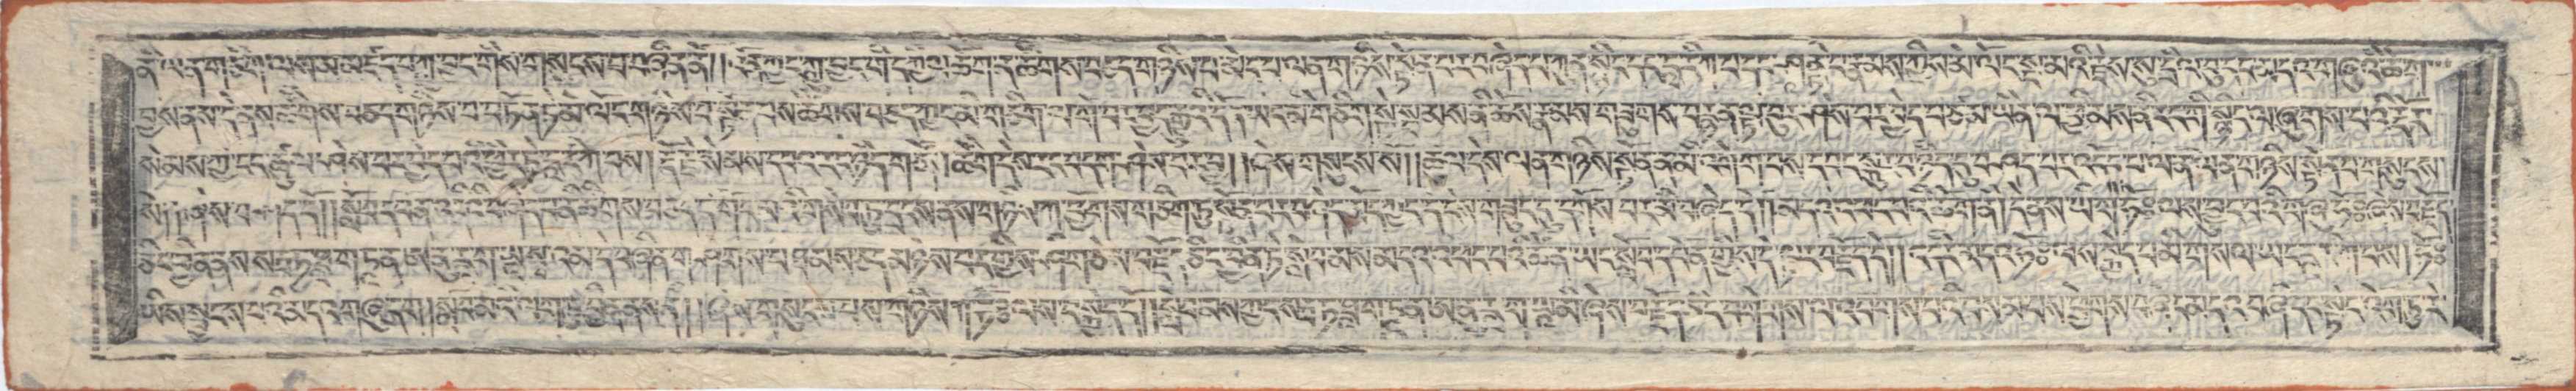ནི་ལན་གཅིག་ལས་མ་མཛད་པ་ཀླུ་བྱང་གིས་གསུངས་པ་བཞིན་ནོ། །འོན་ཀྱང་ཀླུ་བྱང་གི་དཀྱིལ་ཆོག་ན་ཚིགས་བཅད་གཉིས་པ་མེད་པ་ལན་གཉིས་སྟོན་པར་བཞེད་པ་ཀུན་སྙིང་དང་དཱ་རིག་པ་དང་ཤཱནྟི་པ་རྣམས་ཀྱིས་མེ་ལོང་སྔ་མའི་རྗེས་སུ་དྲིལ་བུ་དང་མདའ་གཞུའི་ཆོ་ག་
བྱས་ནས་དེ་ནས་ཚིགས་བཅད་གཉིས་པ་བཏོན་ཏེ་མེ་ལོང་གཉིས་པ་སྟོན་པས་ཚིགས་བཅད་ཀྱང་མི་གཅིག་ལ་གོ་བར་བྱད་རྒྱུའི་དོན་ཡང་མི་གཅིག་སྟེ་སྔ་མས་ནི་ཆོས་རྣམས་གཟུགས་བརྙན་ལྟ་བུར་ཤེས་པར་བྱེད་པ་ཙམ་ཡིན་ལ་ཕྱི་མས་ནི་རང་གི་སྙིང་ལ་ཞུགས་པའི་རྡོར་
སེམས་ཀྱི་ངང་ཚུལ་ཤེས་པར་བྱེད་པའི་ཕྱིར་ཏེ་དཱ་རིཀ་པས། རྡོ་རྗེ་སེམས་དཔའ་རང་ཉིད་གཙོ། །ཚིག་དེས་རང་བདག་ཤེས་པར་བྱ། །ཞེས་གསུངས་སོ། །ཚུལ་དེས་ལན་གཉིས་སྟོན་ན་མི་འགོག་པས་དབང་སྐུར་བ་ཉིད་དུ་བཤད་པར་འདོད་པ་ལ་ནི་ལན་གཉིས་སྟོན་པ་གསུངས་
སོ༑ ༑ཞེས་བཤད་དོ། །སློབ་དཔོན་འདིའི་བཞེད་པ་ནི་ཚིགས་བཅད་དེ་གོང་མའི་གསེབ་ཏུ་དྲངས་ནས་གཉིས་ཀ་ཕྱོགས་གཅིག་ཏུ་སྟོན་པར་བཞེད་མོད་ཀྱང་དེ་ངེས་གཟུང་དུ་དགོས་པར་མི་བཞེད་དོ། །མདའ་འཕང་པའི་ཆོ་ག་ནི། དེ་ནས་ཡི་གེ་ཧོཿ ལས་བྱུང་བའི་གཞུ་ཧོཿ ཞེས་བརྗོད་
ཅིང་བྱིན་ནས་སརྦ་ཏ་ཐཱ་ག་ཏཱ་ན་ཨ་ནུ་རཱ་ག་ཡཱ་སྭ་འམ་དེ་བཞིན་གཤེགས་པ་ཐམས་ཅད་མཉེས་པར་གྱིས་ཤིག་ཅེས་བརྗོད་ཅིང་བྱིན་ཏེ་སླེབ་མས་མདའ་འཕང་པའི་ཚེ་ན་ཡང་སློབ་དཔོན་གྱིས་དེ་ལྟར་བརྗོད་དོ། །འདིར་མདའ་ཧོཿ ལས་སྐྱེད་པ་མི་གསལ་ཡང་དཱ་རི་ཀ་པས། ཧོཿ
ཡིས་སྦྱངས་པའི་མདའ་གཞུ་དག །སློབ་མའི་ལག་ཏུ་བྱིན་ནས་ནི། །ཞེས་གསུངས་པས་གཉིས་ཀ་ཧོཿ ལས་བསྐྱེད་དོ། །སློབ་མས་ཀྱང་སརྦ་ཏ་ཐཱ་ག་ཏཱ་ན་ཨ་ནུ་རླ་ག་ཡཱ་མི་ཞེས་བརྗོད་ཅིང་བགེགས་ལ་འབིགས་པའི་བསམ་པས་ཕྱོགས་བཞིང་མདའ་བཞི་དང་སྟེང་འོག་ཏུ་རེ་